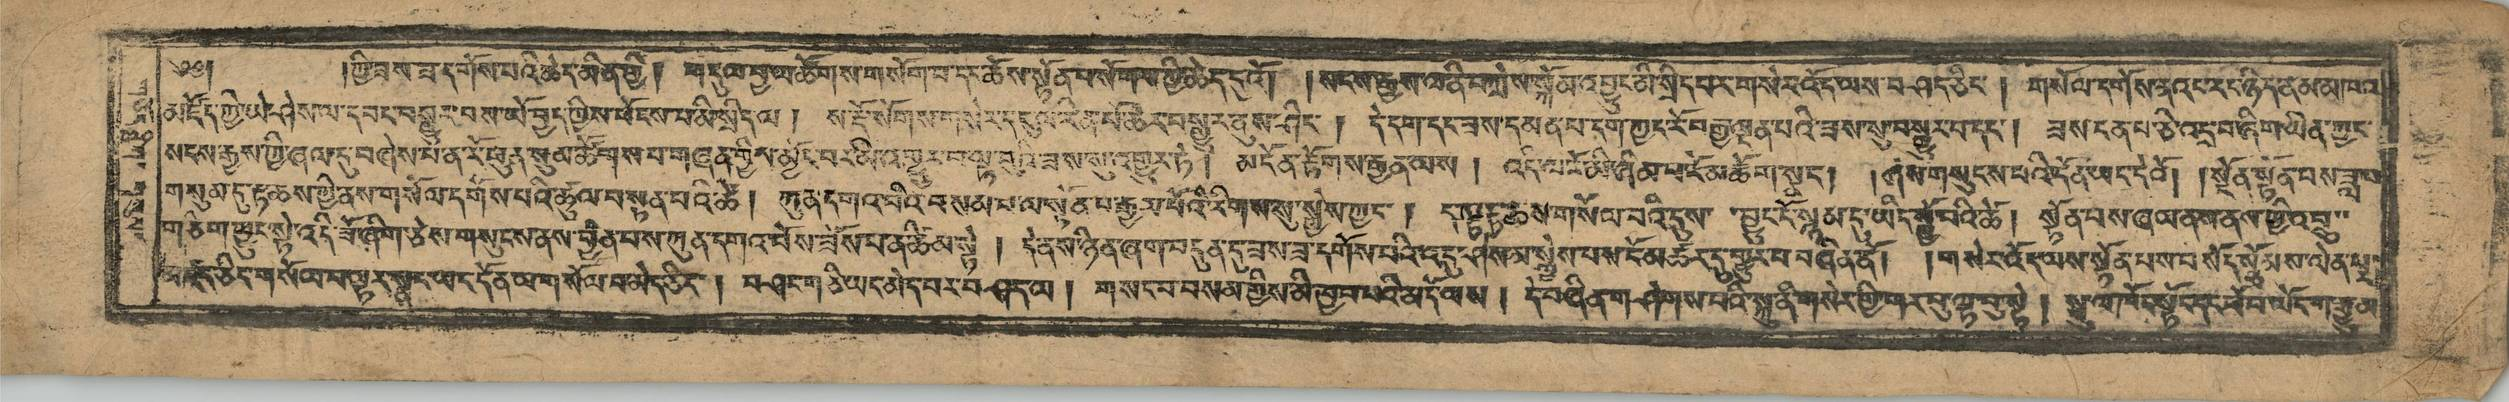༄༅། །ཀྱི་ཟས་ཟ་དགོས་པའི་ཆེད་མིན་གྱི། གདུལ་བྱ་ལ་ཚོགས་གསོག་པ་དང་ཆོས་སྟོན་པ་སོགས་ཀྱི་ཆེད་དུའོ། །སངས་རྒྱས་ལ་ནི་བཀྲེས་སྐོམ་འབྱུང་མི་སྲིད་པར་གསེར་འོད་ལས་བཤད་ཅིང་། གསོལ་དགོས་ནའང་རང་ཉིད་ནམ་མཁའ་
མཛོད་ཀྱི་ཡེ་ཤེས་ལ་དབང་བསྒྱུར་བས་ཡོ་བྱད་ཀྱིས་ཕོངས་པ་མི་སྲིད་ལ། ས་རྡོ་སོགས་གསེར་དངུལ་རིན་པོ་ཆེར་བསྒྱུར་ནུས་ཤིང་། དེ་དག་དང་ཟས་དམན་པ་དག་ཀྱང་རོ་བརྒྱ་ལྡན་པའི་ཟས་སུ་བསྒྱུར་བ་དང་། ཟས་ངན་པ་ཅི་འདྲ་བ་ཞིག་ཡིན་ཀྱང་
སངས་རྒྱས་ཀྱི་ཞལ་དུ་བཞེས་པ་ན་རོ་ཕུན་སུམ་ཚོགས་པ་གཞན་ཕྱིས་མྱོང་བར་མི་འགྱུར་བ་ལྟ་བུའི་ཟས་སུ་འགྱུར་ཏེ། མངོན་རྟོགས་རྒྱན་ལས། འདི་ལ་རོ་མི་ཞིམ་པ་རོ་མཆོག་སྣང་། །ཞེས་གསུངས་པའི་དོན་ཡང་དེའོ། །སྔོན་སྟོན་པས་ཟླ་བ་
གསུམ་དུ་རྟ་ཆས་ཀྱི་ནས་གསོལ་དགོས་པའི་ཚུལ་བསྟན་པའི་ཚེ། ཀུན་དགའ་བོའི་བསམ་པ་ལ་སྟོན་པ་རྒྱལ་པོའི་རིགས་སུ་སྐྱེས་ཀྱང་། ད་ལྟ་རྟ་ཆོས་གསོལ་བའི་དུས་འབྱུང་ངོ་སྙམ་དུ་ཡིད་སྐྱོ་བའི་ཚེ། སྟོན་པས་ཞལ་ནས་ནས་ཀྱི་འབྲུ་
གཅིག་བྱུང་སྟེ་འདི་ཟོ་ཞིག་ཅེས་གསུངས་ནས་བྱིན་པས་ཀུན་དགའ་བོས་ཟོས་པ་ན་ཚིམ་སྟེ། དེ་ནས་ཉིན་ཞག་བདུན་དུ་ཟས་ཟ་དགོས་པའི་འདུ་ཤེས་མ་སྐྱེས་པས་ངོ་མཚར་དུ་གྱུར་པ་བཞིན་ནོ། །གསེར་འོད་ལས་སྟོན་པས་བསོད་སྙོམས་ལེན་པར་
མཛད་ཅིང་གསོལ་བ་ལྟར་སྣང་ཡང་དོན་ལ་གསོལ་བ་མེད་ཅིང་། བཤང་གཅི་ཡང་ལེན་པར་བཤད་ལ། གསང་བ་བསམ་གྱིས་མིཕྱབ་པའི་མདོ་ལས། དེ་བཞིན་གཤེགས་པའི་སྐུ་ནི་གསེར་གྱི་གར་བུ་ལྟ་བུ་སྟེ། སྐུ་ལ་ཁོང་སྟོང་དང་ཕོ་པ་ཁོར་ཀ་རྒྱུ་མ་